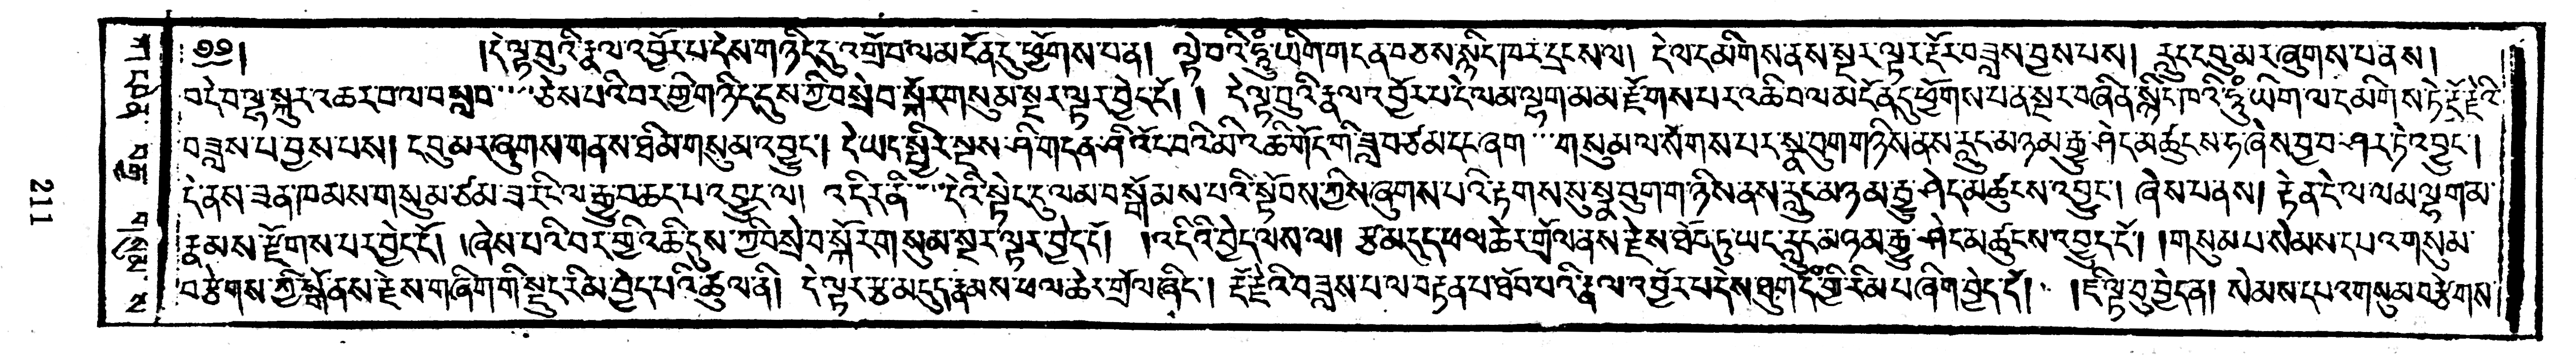༄༅། །དེ་ལྟ་བུའི་རྣལ་འབྱོར་པ་དེས་གཉིད་དུ་འགྲོ་བ་ལ་མངོན་དུ་ཕྱོགས་པ་ན། ལྟེ་བའི་ཧཱུཾ་ཡིག་གདན་བཅས་སྙིང་ཁར་དྲངས་ལ། དེ་ལ་དམིགས་ནས་སྔར་ལྟར་རྡོར་བཟླས་བྱས་པས། རླུང་དབུ་མར་ཞུགས་པ་ནས།
བདེ་བ་ལྷ་སྐུར་འཆར་བ་ལ་བསླབ་ཅེས་པའི་བར་གྱི་གཉིད་དུས་ཀྱི་བསྲེབ་སྐོར་གསུམ་སྔར་ལྟར་བྱེད་དོ། །དེ་ལྟ་བུའི་རྣལ་འབྱོར་པ་དེ་ལམ་ལྷག་མ་མ་རྫོགས་པར་འཆི་བ་ལ་མངོན་དུ་ཕྱོགས་པ་ན་སྔར་བཞིན་སྙིང་ཁའི་ཧཱུཾ་ཡིག་ལ་དམིགས་ཏེ་རྡོ་རྗེའི་
བཟླས་པ་བྱས་པས། དབུ་མར་ཞུགས་གནས་ཐིམ་གསུམ་འབྱུང་། དེ་ཡང་སྤྱིར་སྔས་ཤི་གདན་ཤི་འོང་བའི་མི་འཆི་གོང་གི་ཟླ་བ་ཙམ་དང་ཞག་གསུམ་ལ་སོགས་པར་སྣ་བུག་གཉིས་ནས་རླུང་མཉམ་རྒྱུ་ཤེད་མཚུངས་ཧ་ཞེས་བྱ་བ་ཤར་ཏེ་འབྱུང་།
དེ་ནས་ཟན་ཁམས་གསུམ་ཙམ་ཟ་རིང་ལ་རྒྱུ་བ་ཆད་པ་འབྱུང་ལ། འདིར་ནི་དེའི་སྟེང་དུ་ལམ་བསྒོམས་པའི་སྟོབས་ཀྱིས་ཞུགས་པའི་རྟགས་སུ་སྣ་བུག་གཉིས་ནས་རླུང་མཉམ་རྒྱུ་ཤེད་མཚུངས་འབྱུང་། ཞེས་པ་ནས། རྟེན་དེ་ལ་ལམ་ལྷག་མ་
རྣམས་རྫོགས་པར་བྱེད་དོ། །ཞེས་པའི་བར་གྱི་འཆི་དུས་ཀྱི་བསྲེ་བ་སྐོར་གསུམ་སྔར་ལྟར་བྱེད་དོ། །འདིའི་བྱེད་ལས་ལ། རྩ་མདུད་ཕལ་ཆེར་གྲོལ་ནས་རྗེས་ཐོབ་ཏུ་ཡང་རླུང་མཉམ་རྒྱུ་ཤེད་མཚུངས་འབྱུང་དོ། །གསུམ་པ་སེམས་དཔའ་གསུམ་
བརྩེགས་ཀྱི་སྒོ་ནས་རྗེས་གཞིག་གི་སྡུད་རིམ་བྱེད་པའི་ཚུལ་ནི། དེ་ལྟར་རྩ་མདུད་རྣམས་ཕལ་ཆེར་གྲོལ་ཞིང་། རྡོ་རྗེའི་བཟླས་པ་ལ་བརྟན་པ་ཐོབ་པའི་རྣལ་འབྱོར་པ་དེས་ཐུག་དཾ་གྱི་རིམ་པ་ཞིག་བྱེད་དོ། །ཇི་ལྟ་བུ་བྱེད་ན། སེམས་དཔའ་གསུམ་བརྩེགས་